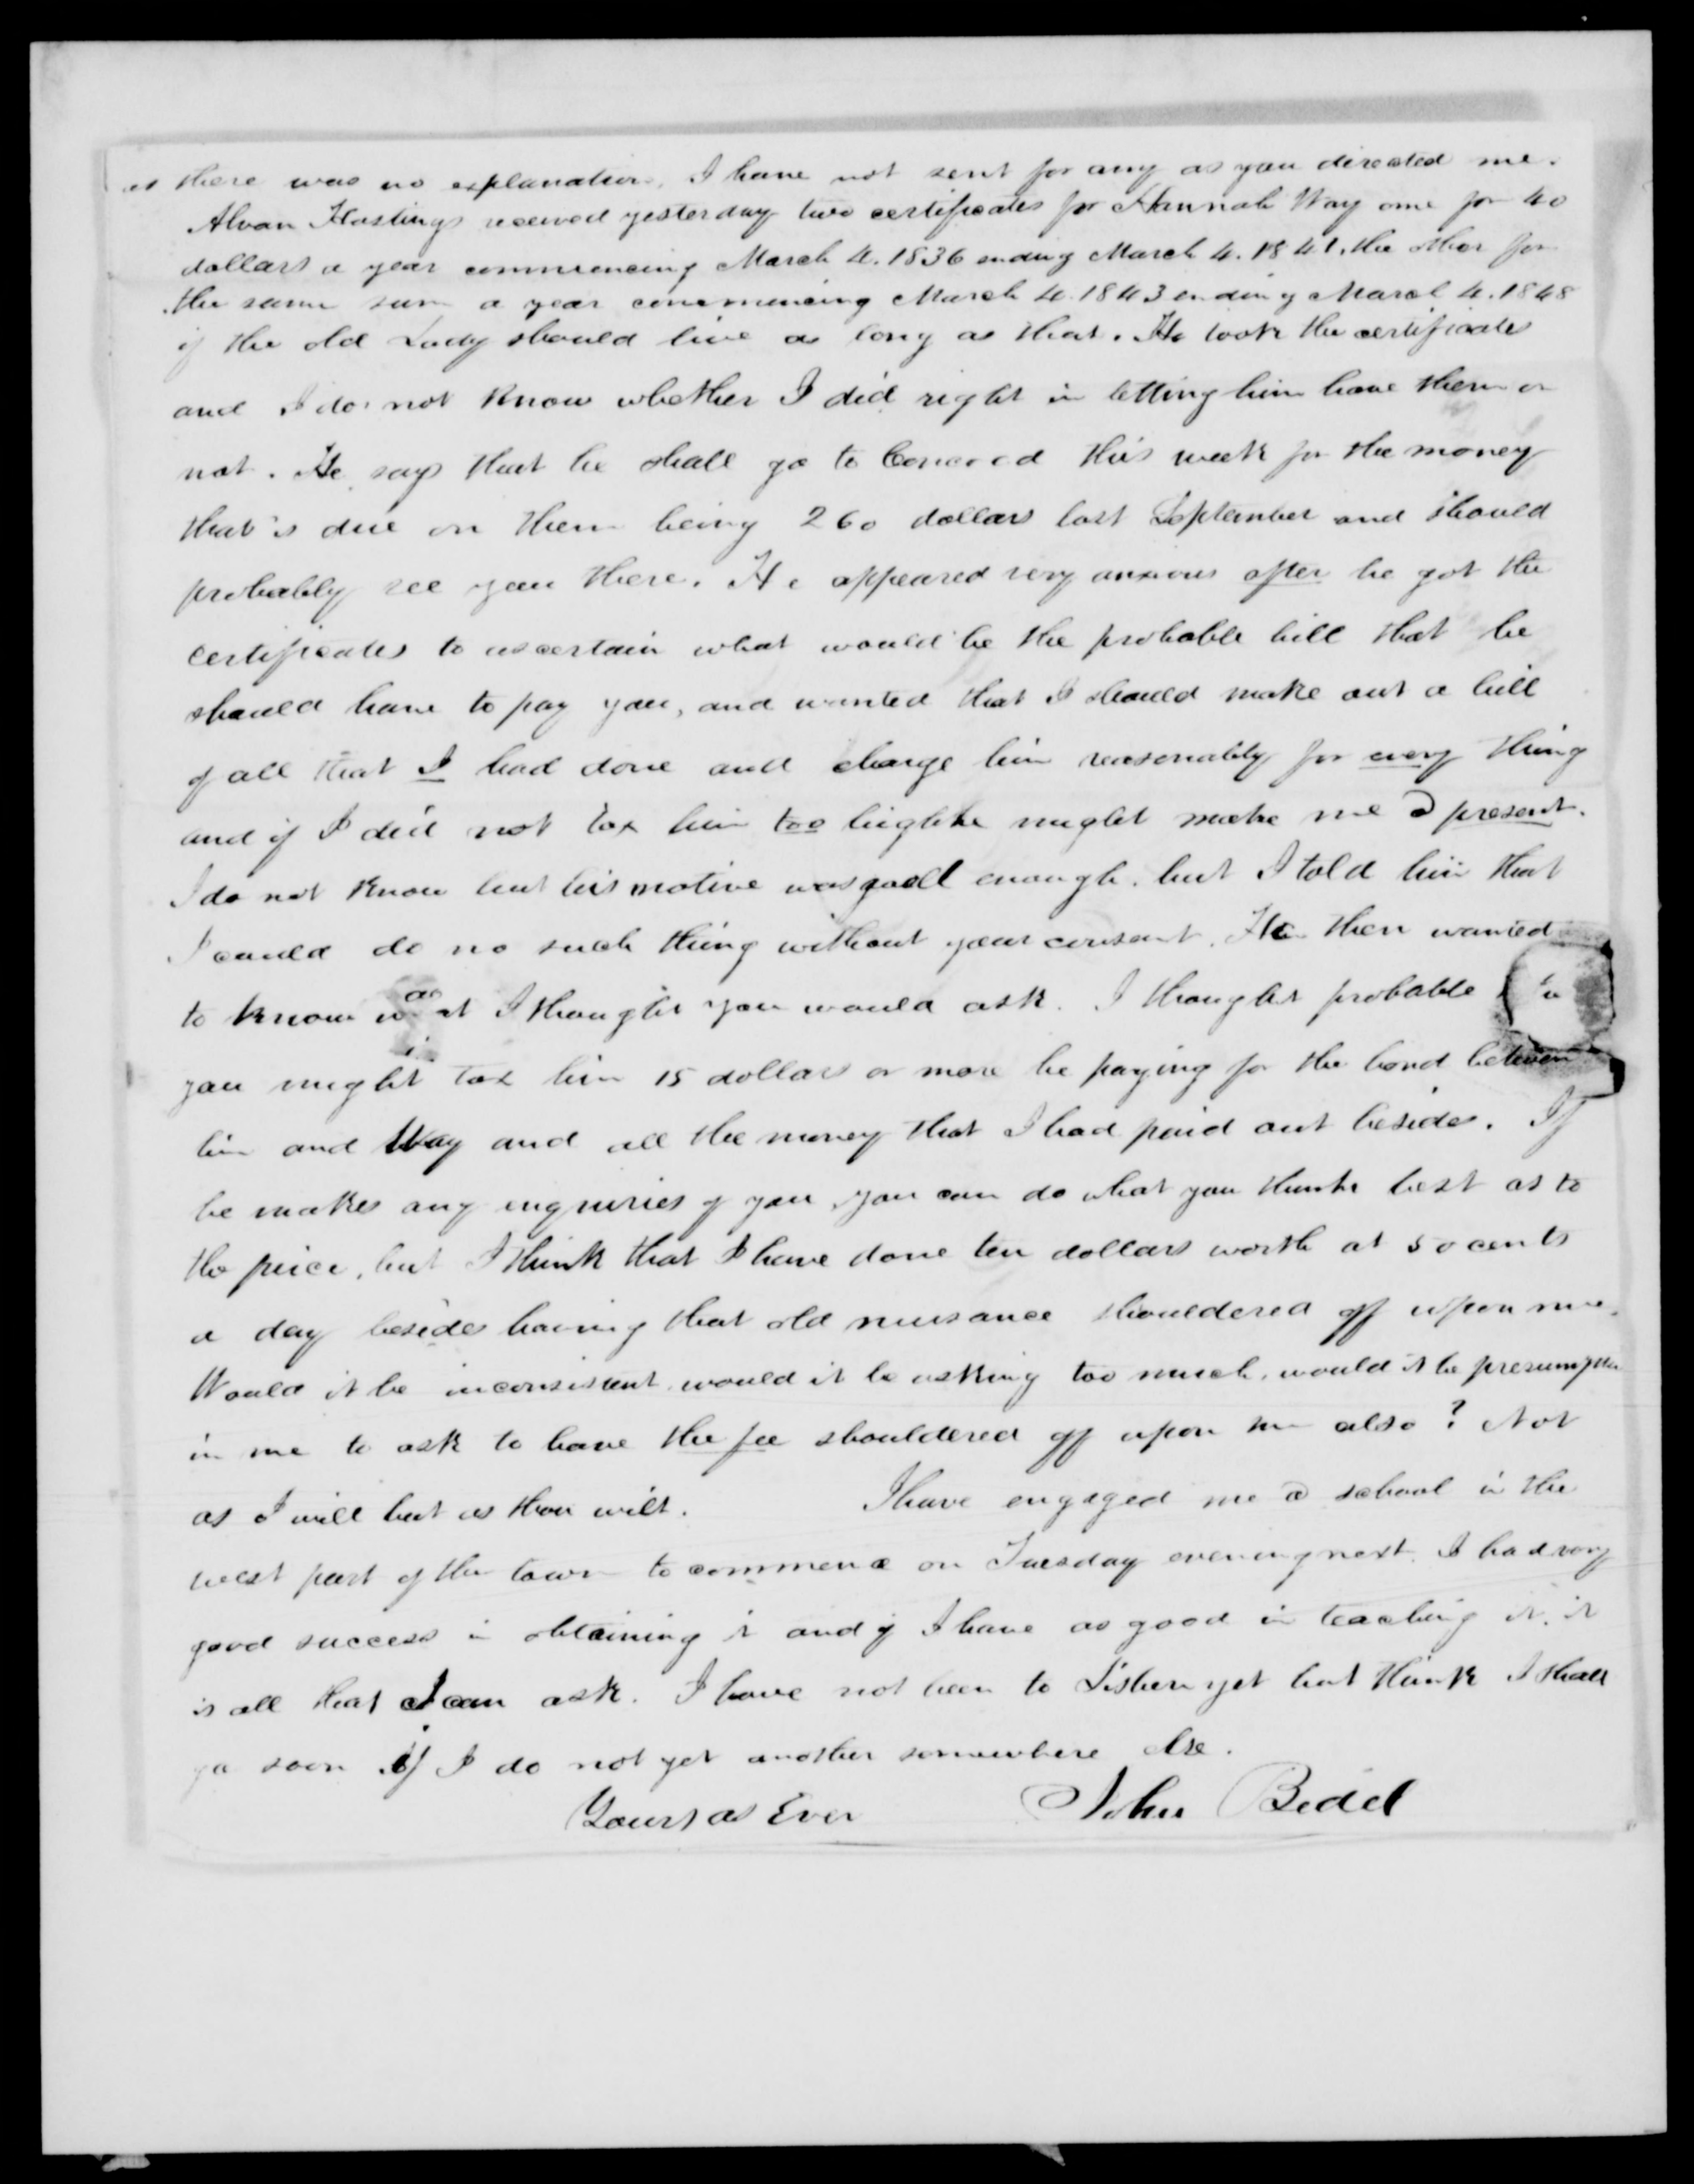as there was no explanation. I have not sent for any as you directed me.
Alvan Hastings received yesterday two certificates for Hannah Way one for 40
dollars a year commencing March 4, 1836 ending March 4, 1841, the other for
the same sum a year commencing March 4 1843 ending March 4, 1848
of the old Lady should live as long as that. He took the certificate
and I do not know whether I did right in letting him have them or
not. He says that he shall go to Concord this week for the money
that is due on them being 260 dollars last September and should
probably see you there. He appeared very anxious after he got the
certificates to ascertain what would be the probable bill that he
should have to pay you, and wanted that I should make out a bill
of all that I had done and charge him reasonably for every thing
and if I did not for him too high he might make me a present.
I do not know but his motive was good enough, but I told him that
I could do no such thing without your consent. He then wanted
to know what I thought you would ask. I thought probable the
you might tax him 15 dollars or more be paying for the bond between
and Way and all the money that I had paid out besides. If
he make any enquiries of you you can do what you think best as to
the price, but I think that I have done ten dollars worth at 50 cents a
day besides having that old nuisance shouldered off upon me.
Would it be inconsistent would it be asking too much, would it be presumptive
in me to ask to have the fee shouldered off upon me also?  Not
as I will but as thou will.
I have engaged me a school in the
west part of the town to commence on Tuesday evening next. I had very
good success in obtaining in and of I have as good in teaching it
is all that I can ask. I have not been to Lisbon yet but think I shall go
soon.   If I do not yet another somewhere else.
Yours as Ever
John Bedel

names: Alvan Hastings, John Bedel, Hannah Way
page: 48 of 78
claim: widow's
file: W. 25856, Samuel Way, N.H.